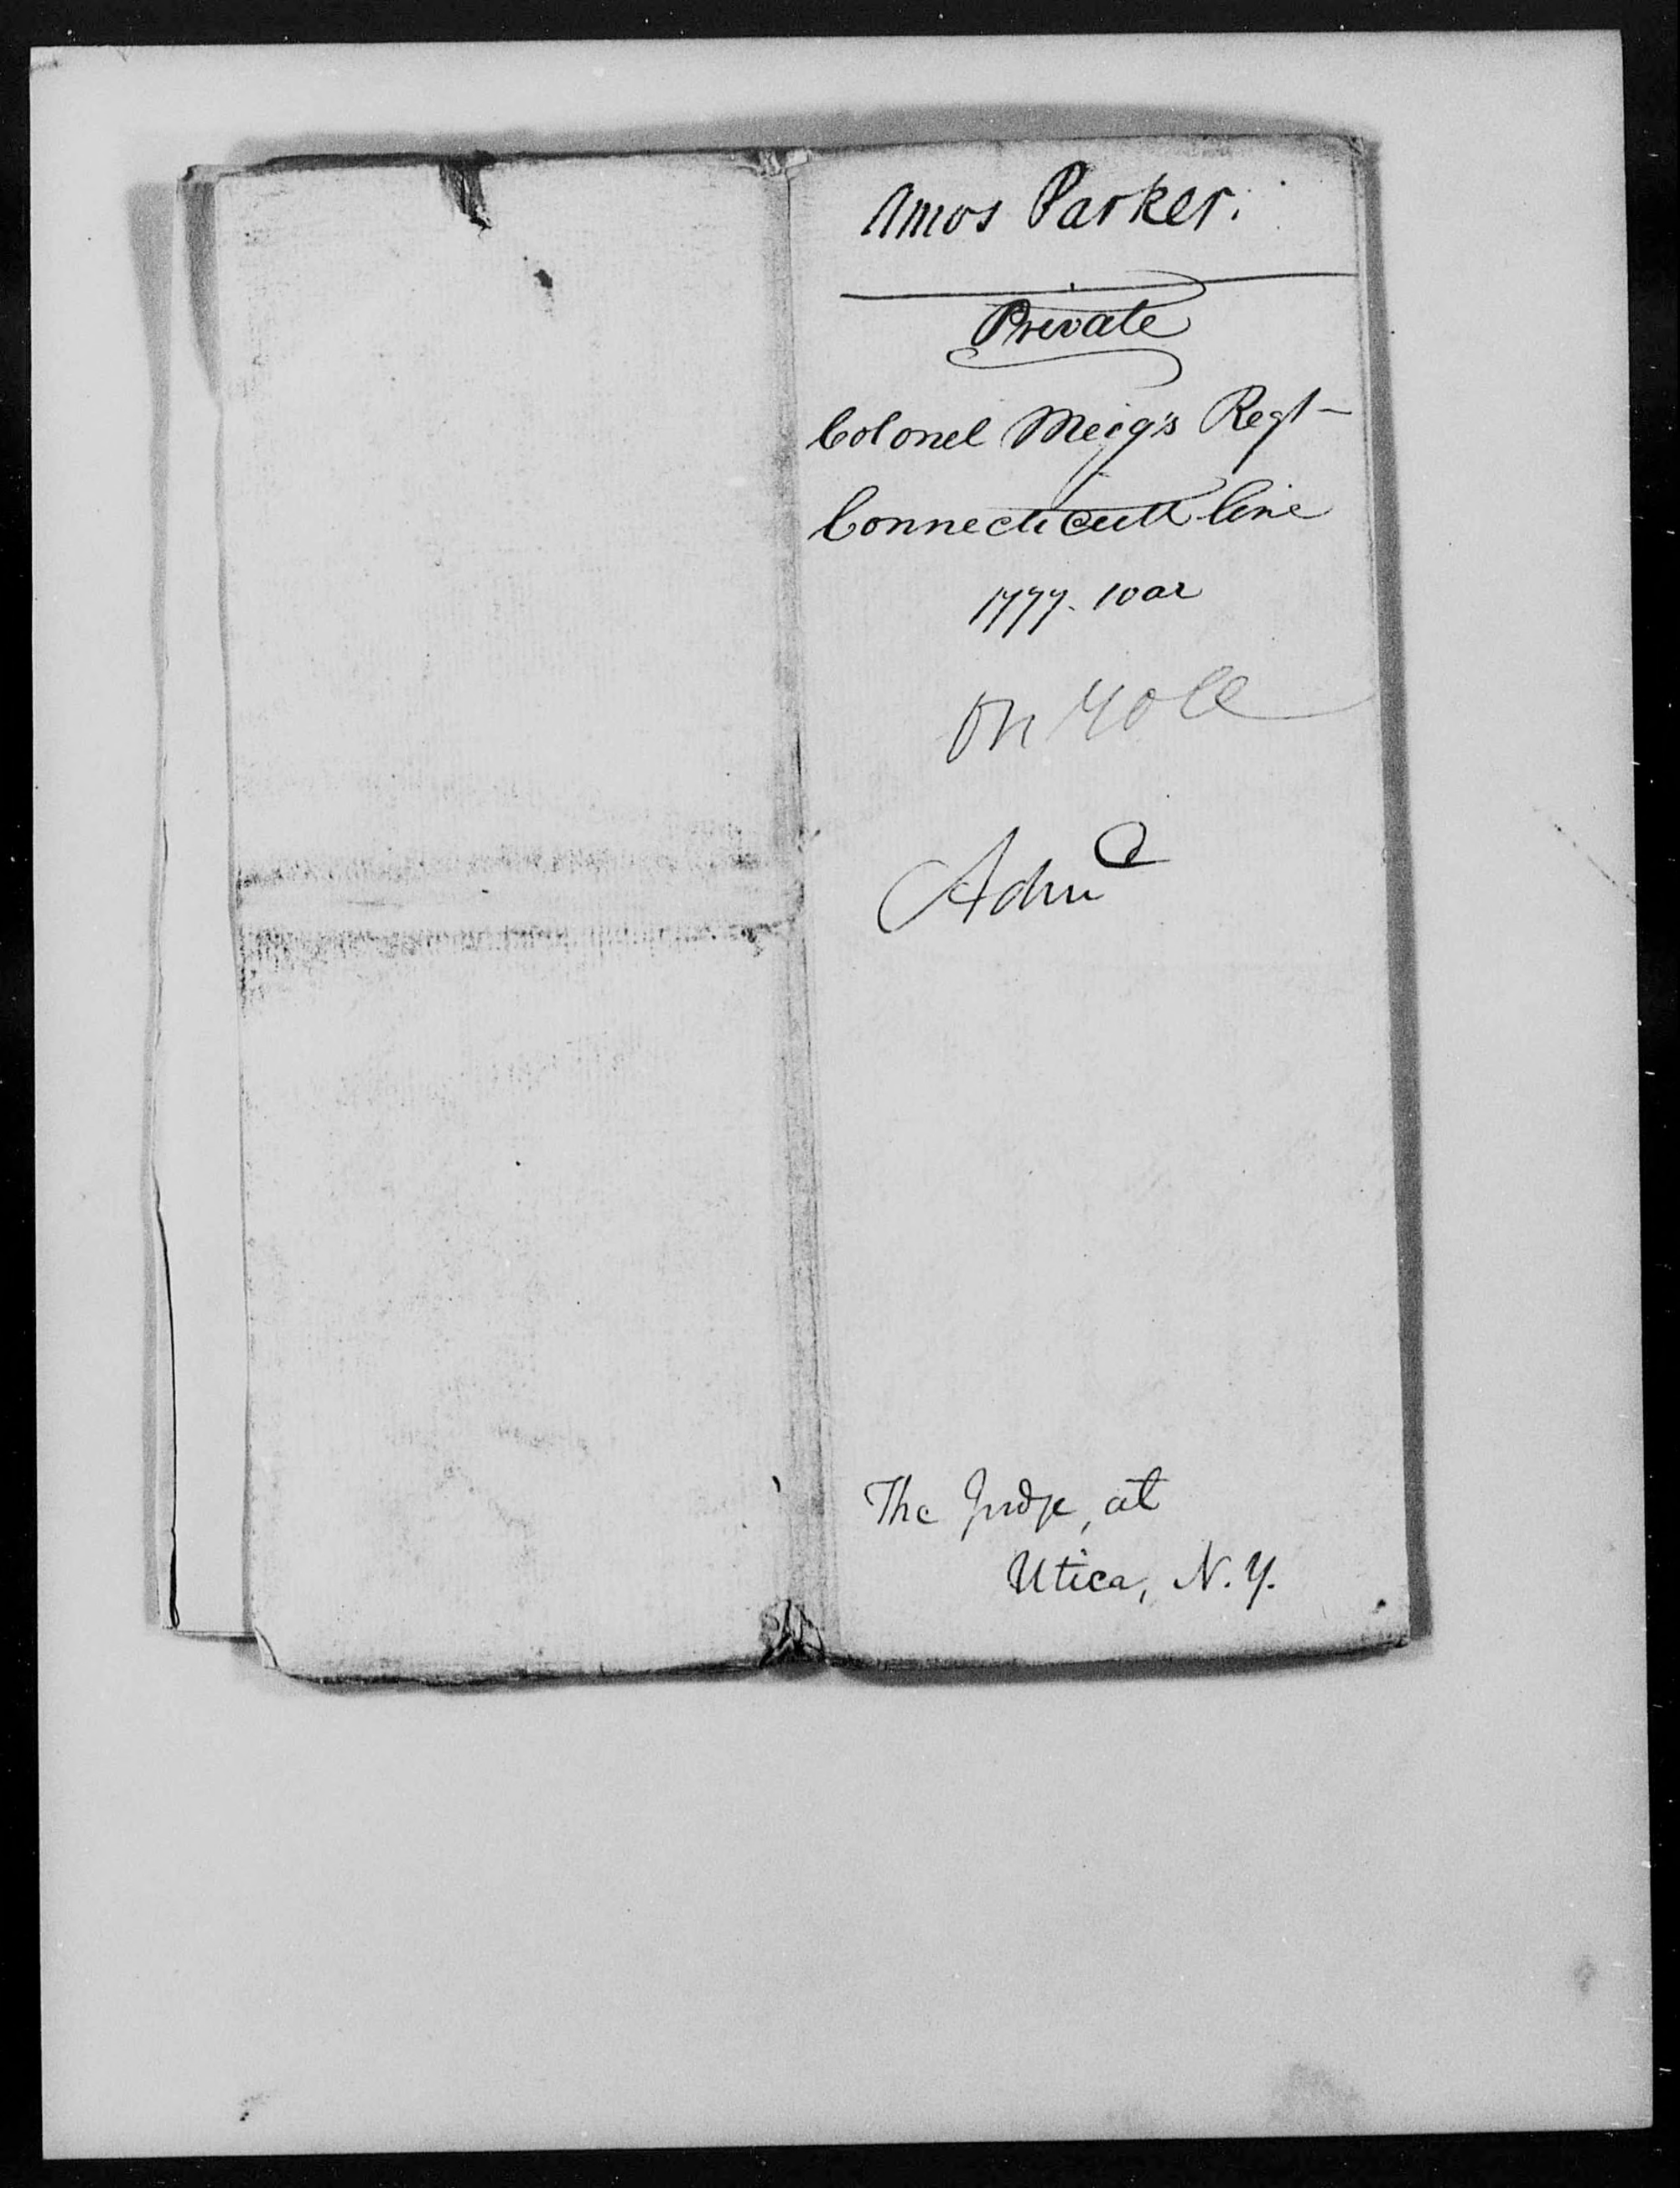Amos Parker
Private
Conel Meig's Regt
Connecticut line
1777. war
on roll
Admd
The Judge at
Utica, N.Y.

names: Amos Parker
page: 5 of 31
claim: survivor's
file: S. 43766, for Amos Parker, Connecticut